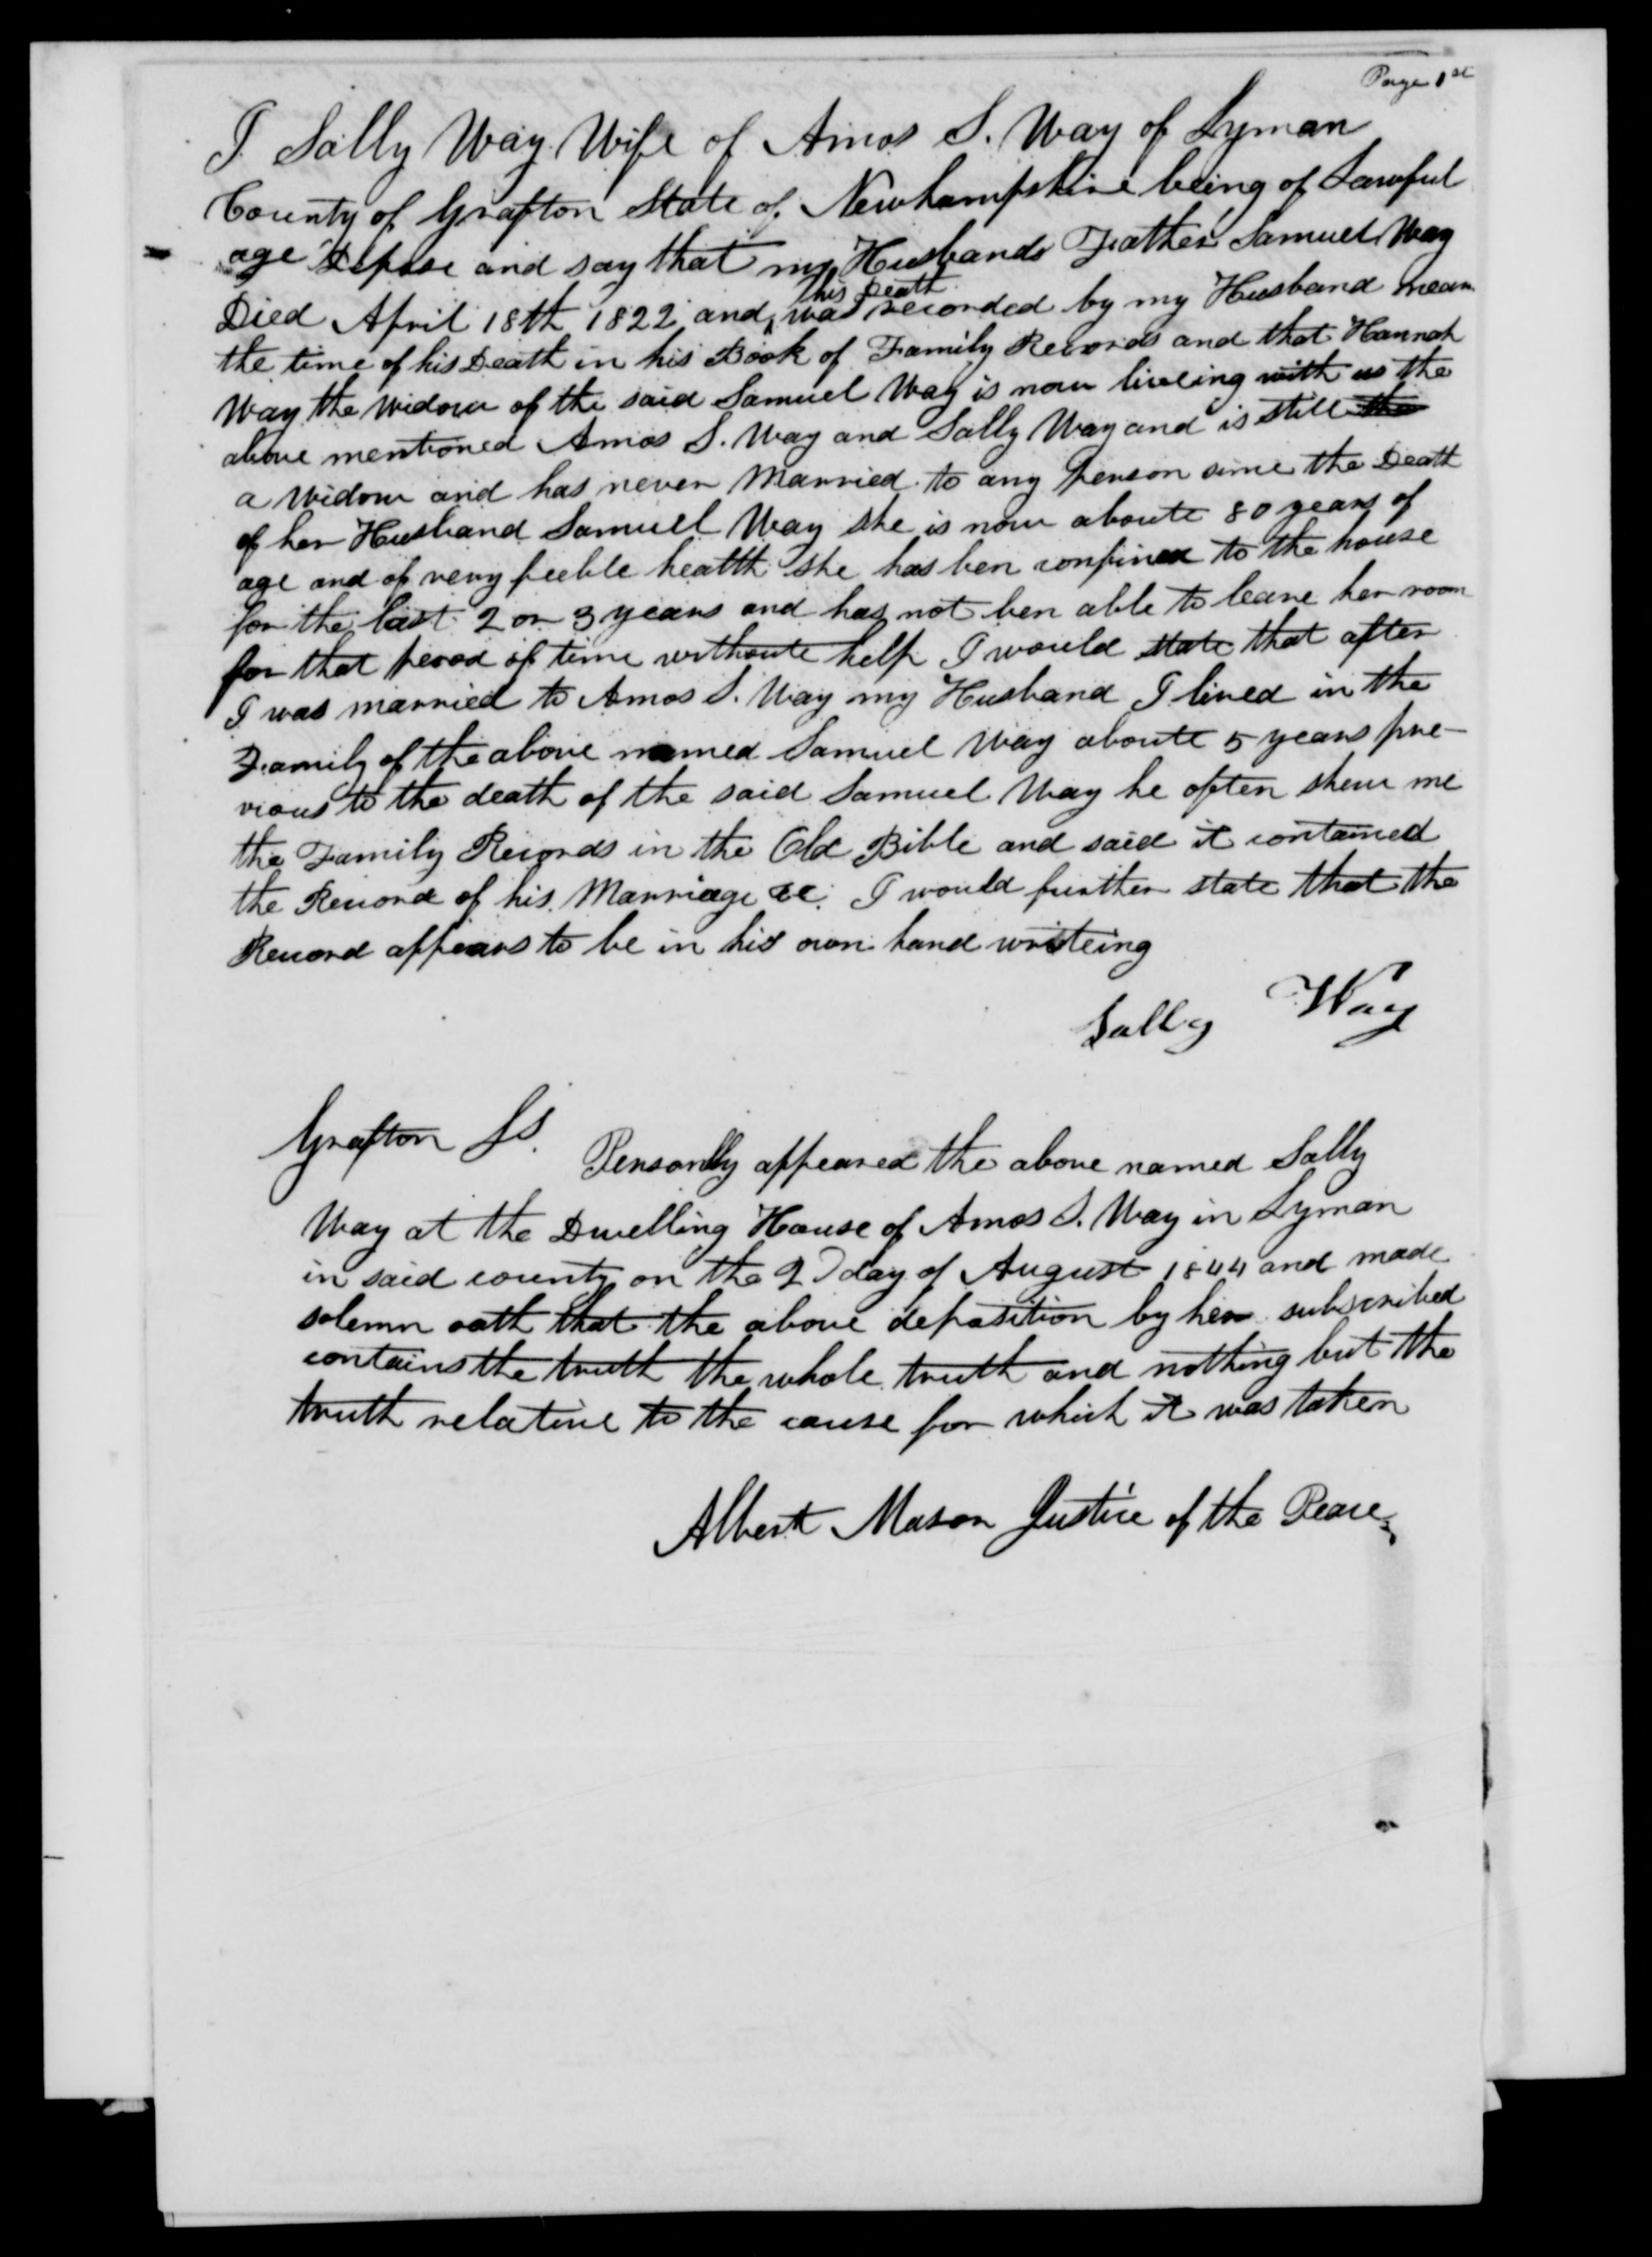Page 1st
I Sally Way Wife of Amos S. Way of Lyman
County of Grafton State of Newhampshire being of Lawful
age depose and say that my Husbands Father Samuel May
Died April 18th 1822 and this death was recorded by my Husband man
the time of his death in his Book of Family Records and that Hannah
Way the widow of the said Samuel Way is now living with us the
above mentioned Amos S. Way and Sally Way and is still
a widow and has never married to any person since the death
of her Husband Samuel Way she is now about 80 years of
age and of very feeble health she has been confined to the house
for the last 2 or 3 years and has not been able to leave her room
for that period of time without help I would state that after
I was married to Amos S. Way my Husband I lived in the
family of the above named Samuel Way about 5 years previous
to the death of the said Samuel May he often shew me
the Family Records in the Old Bible and said it contained
the Record of his Marriage &c. I would further state that the
Record appears to be in his own hand writing
Sally
Way
Grafton Ss.
Personly appeared the above named Sally
May at the Dwelling House of Amos S. Way in Lyman
in said county on the 2d day of August 1844 and made
solemn oath that the above deposition by her subscribed contains
the whole truth and nothing but the
truth relative to the cause for which it was taken
Albert Mason Justice of the Peace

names: Amos S Way, Samuel Way, Albert Mason, Hannah Way, Sally Way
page: 7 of 78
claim: widow's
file: W. 25856, Samuel Way, N.H.